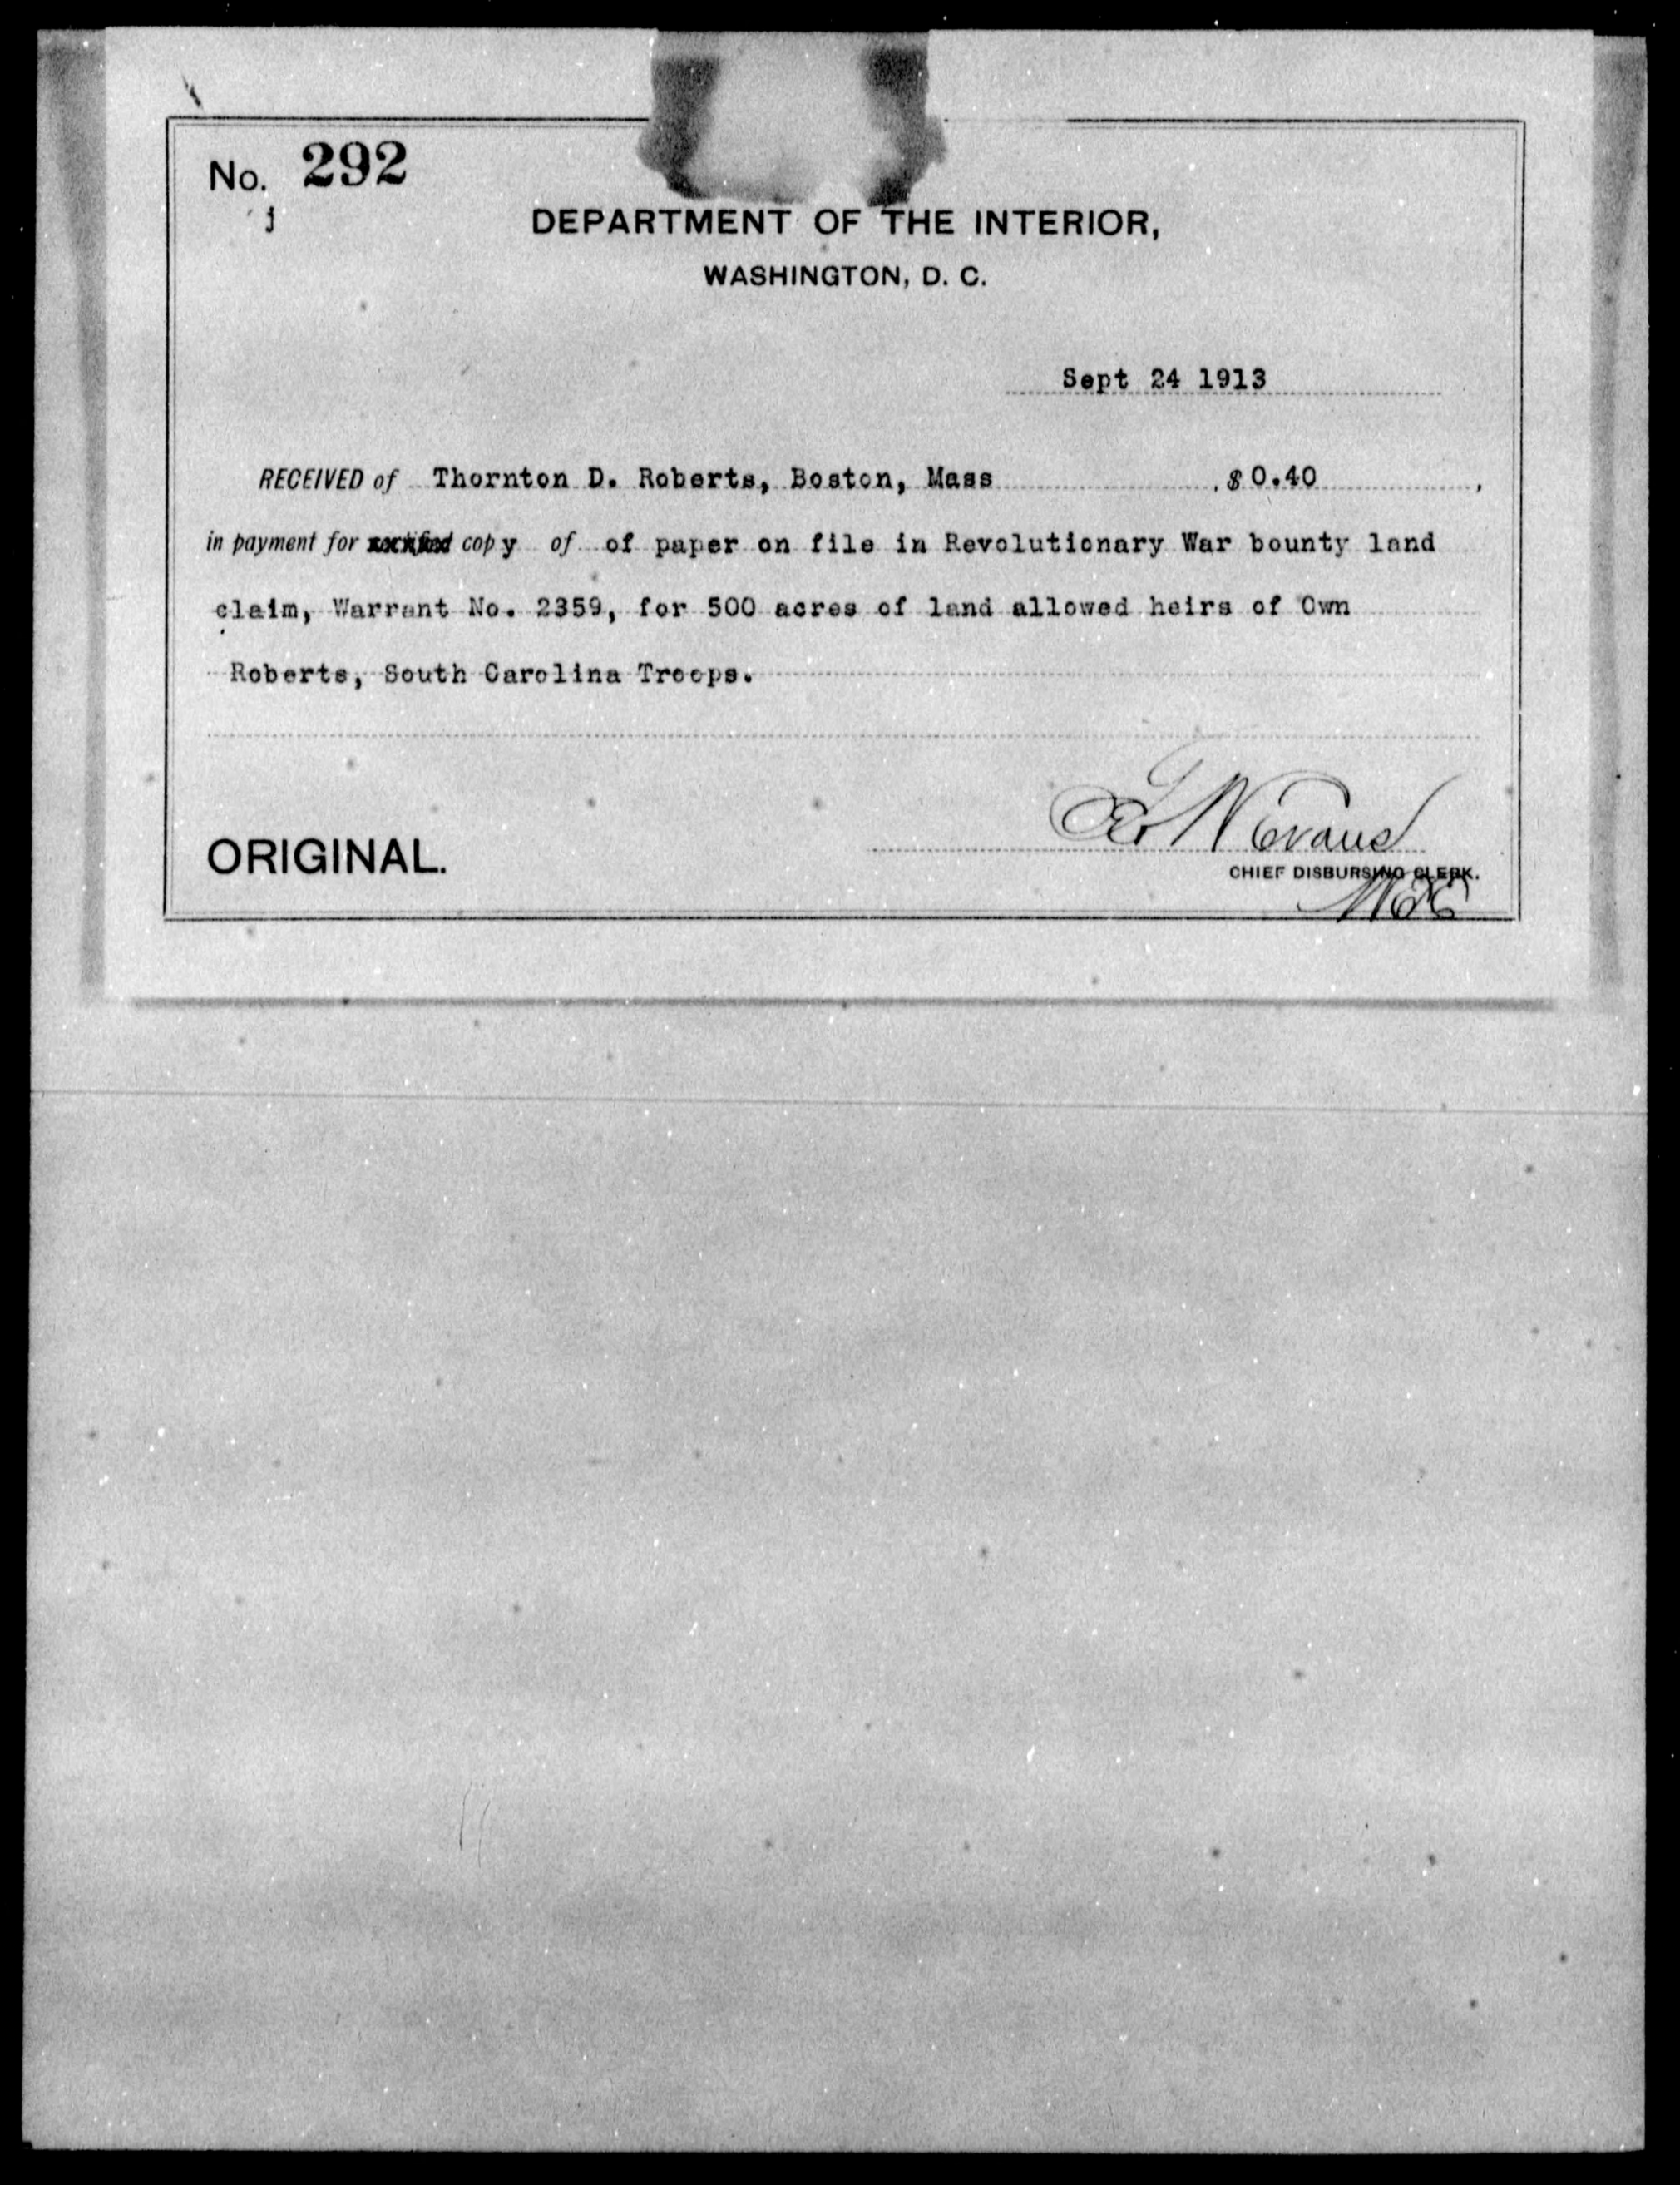No. 292
DEPARTMENT OF THE INTERIOR,
WASHINGTON, D. C.

Sept 24 1913
RECEIVED of Thornton D. Roberts, Boston, Mass, $0.40
in payment for [illegible, likely "certified"] copy of of paper on file in Revolutionary War bounty land claim, Warrant No. 2359, for 500 acres of land allowed heirs of Own [Owen] Roberts, South Carolina Troops.
ORIGINAL
[E. W. Grave?]
CHIEF DISBURSING CLERK.
WM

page: 39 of 59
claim: bounty land warrant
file: B.L.Wt. 2359-500, for Owen Roberts, South Carolina